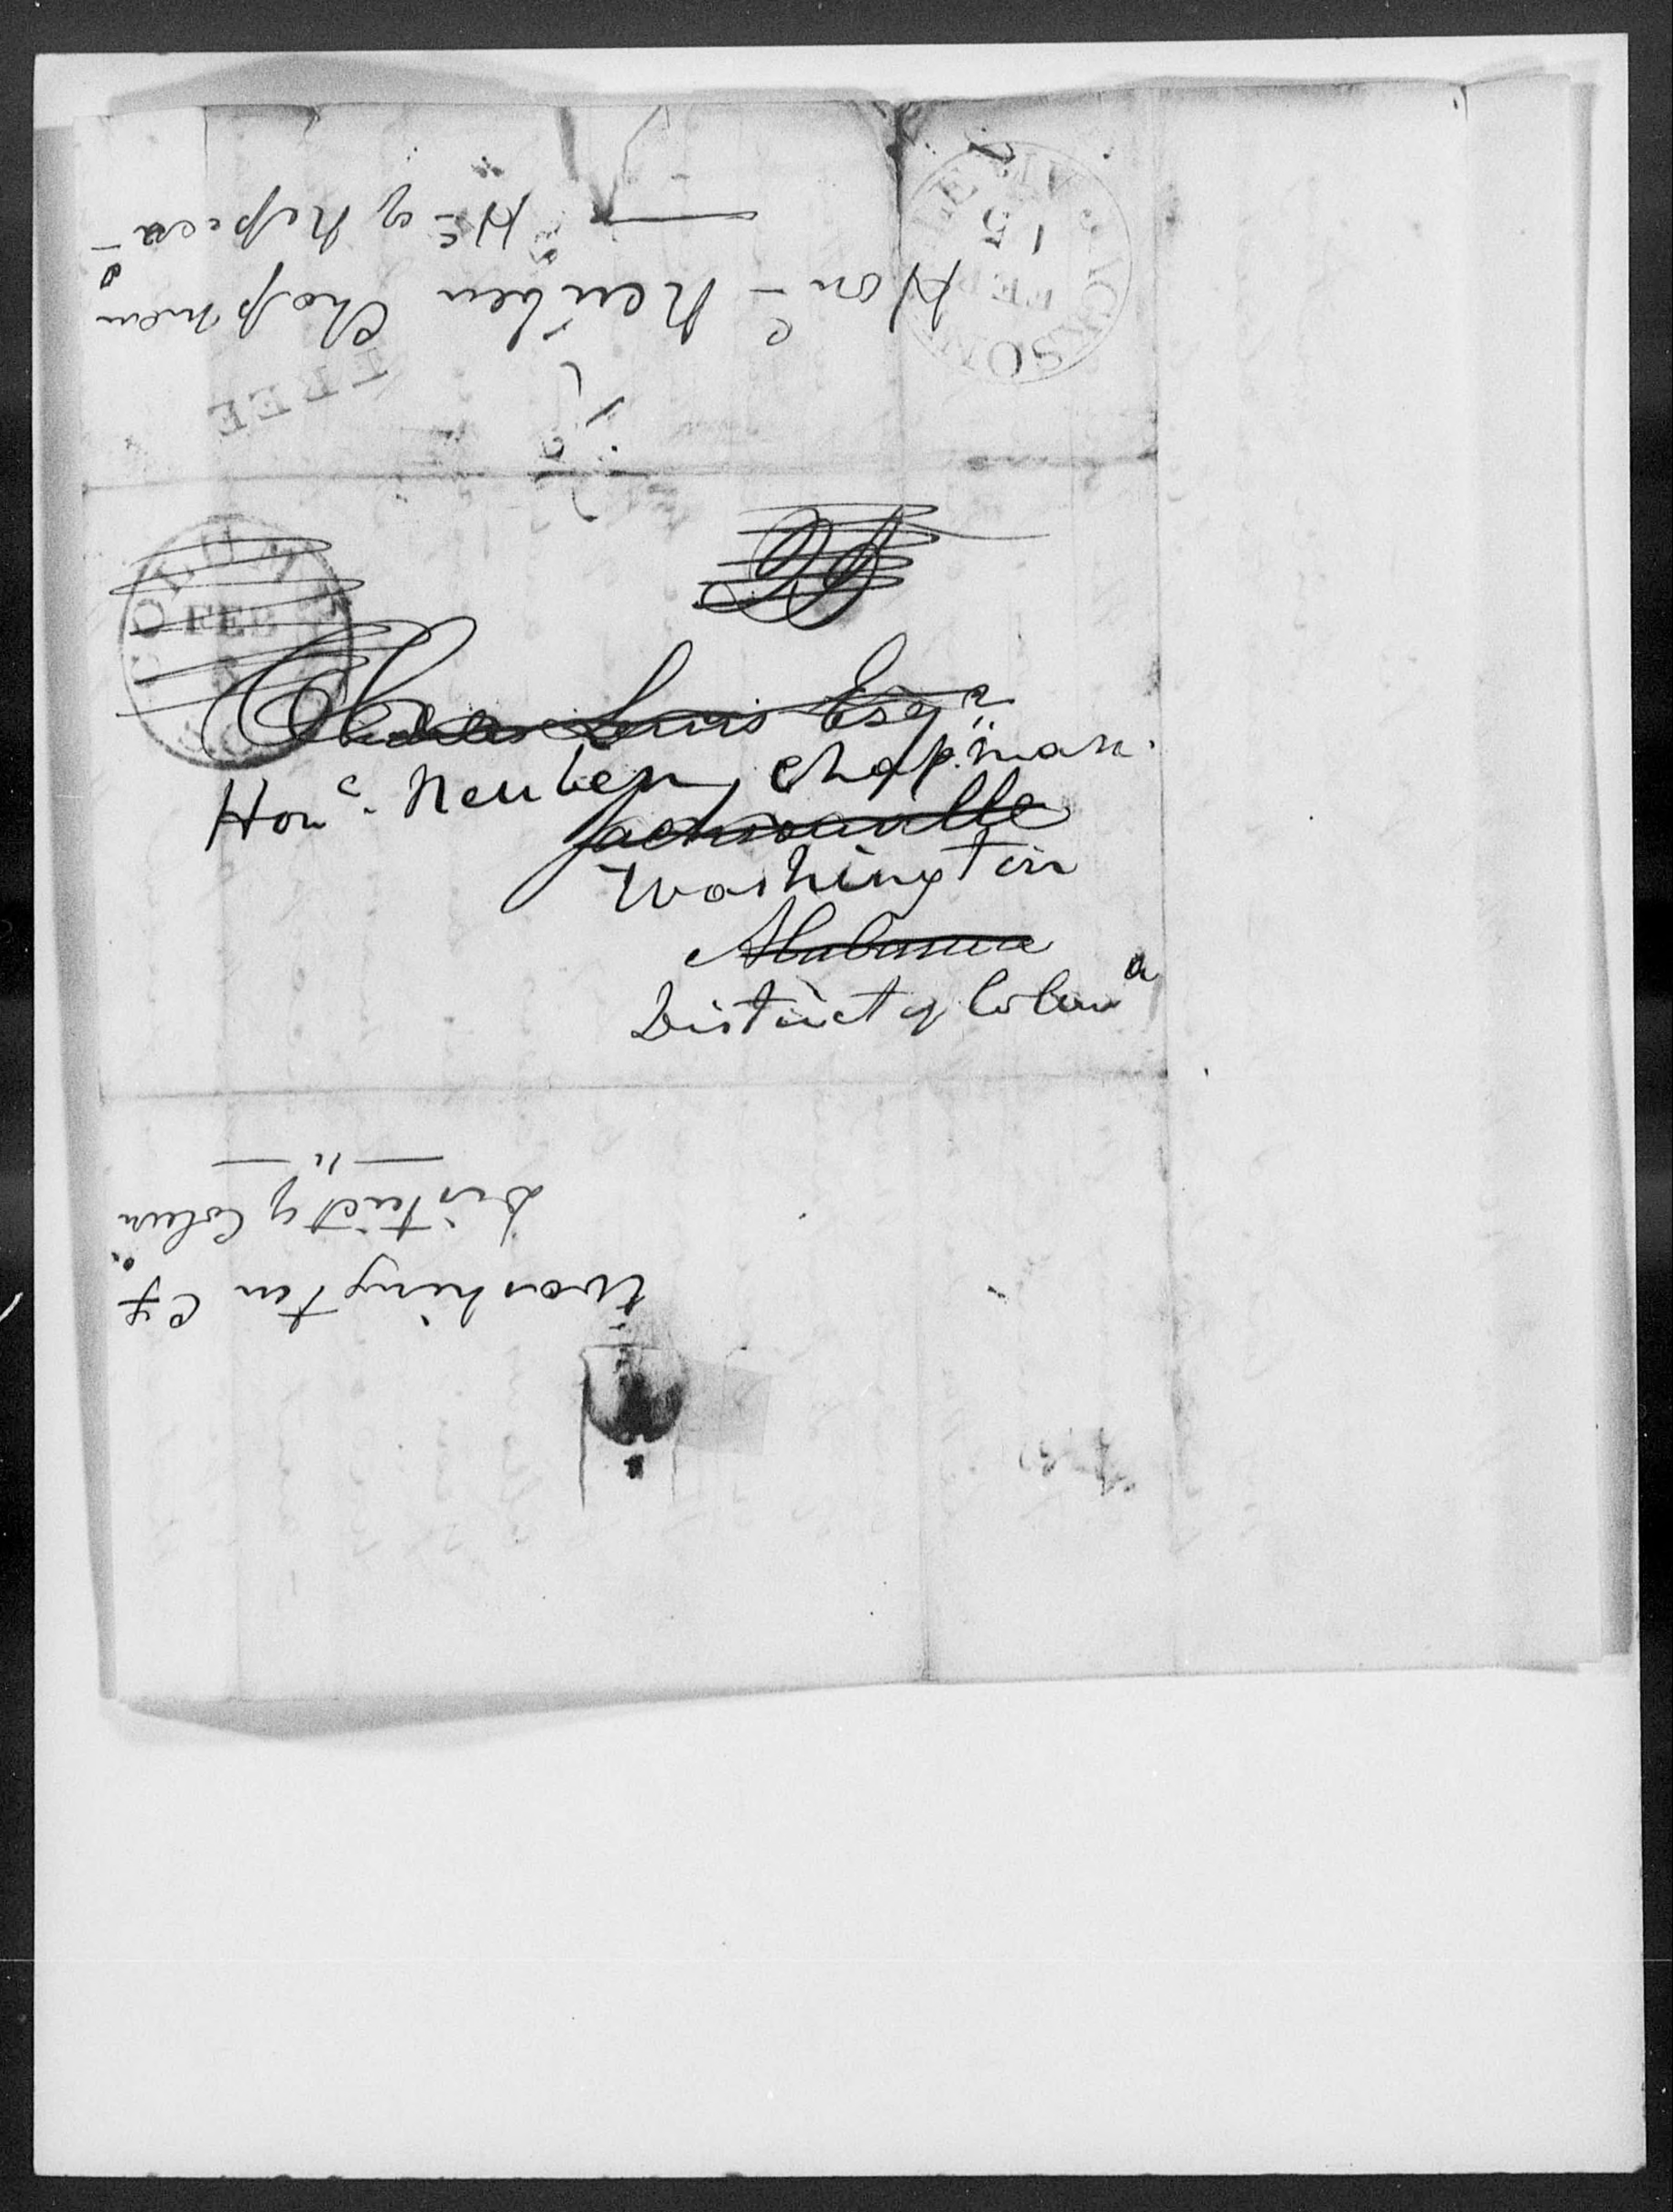[illegible  postal stamp]
FREE
Hon. Reuben Chapman
H of Rep[illegible]



Hon. Reuben Chapman
Washington [illegible]
District of Colum


Washington [illegible]
District of Colum
_________________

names: Reuben Chapman, Reuben Chapman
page: 78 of 91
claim: widow's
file: W. 10576, Francis Carlisle, S.C.